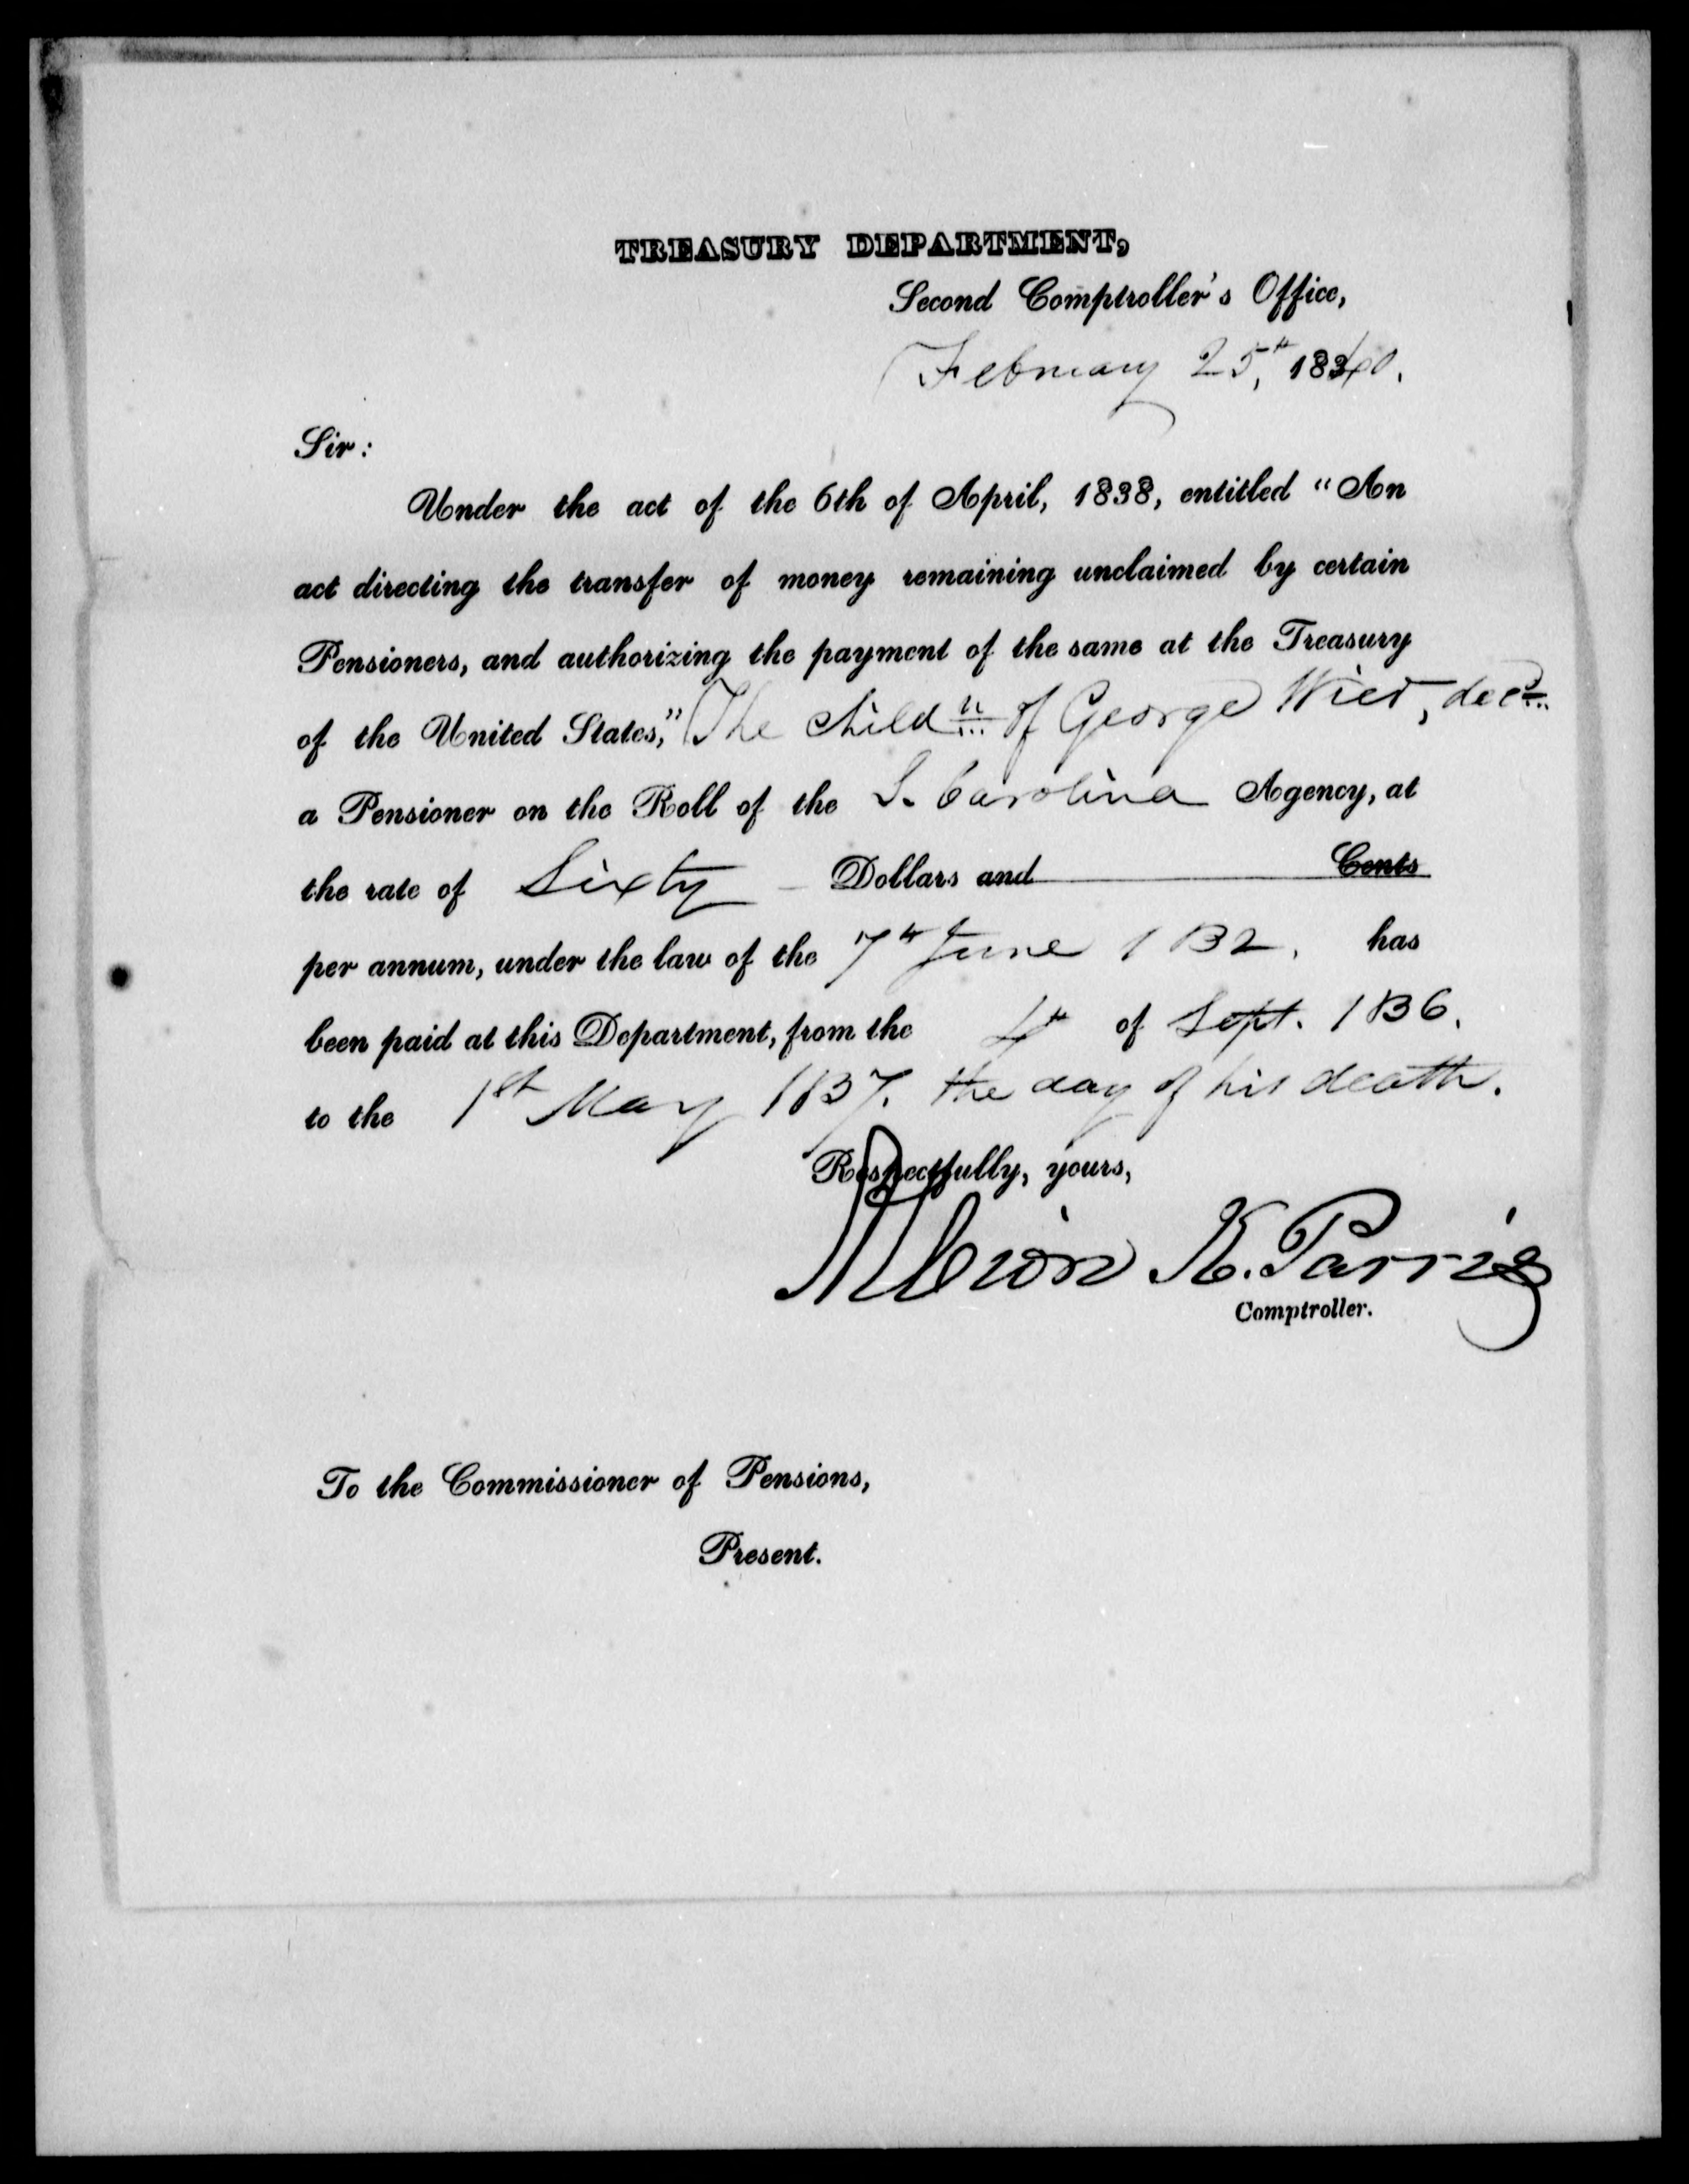TREASURY DEPARTMENTS
Second Comptroller's Office,
February 25th 1840
Sir:
Under the act of the 6th of April, 1838, entitled "An act directing the transfer of money remaining unclaimed by certain Pensioners, and authorizing the payment of the same at the Treasury
of the United States, "The children of George Wier, decd a Pensioner on the Roll of the S. Carolina Agency, at the rate of Sixty Dollars and -- Cents per annum, under the law of the 7th June 1832, has
been paid at this Department, from the 4 of Sept. 1836 to the 1st May 1837. the day of his death

Respectfully, yours,
Albion K. Parris
Comptroller.

To the Commissioner of Pensions
Present.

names: Albion K Parris, George Wier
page: 17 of 22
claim: survivor's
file: S. 9528, George Weir, S.C.